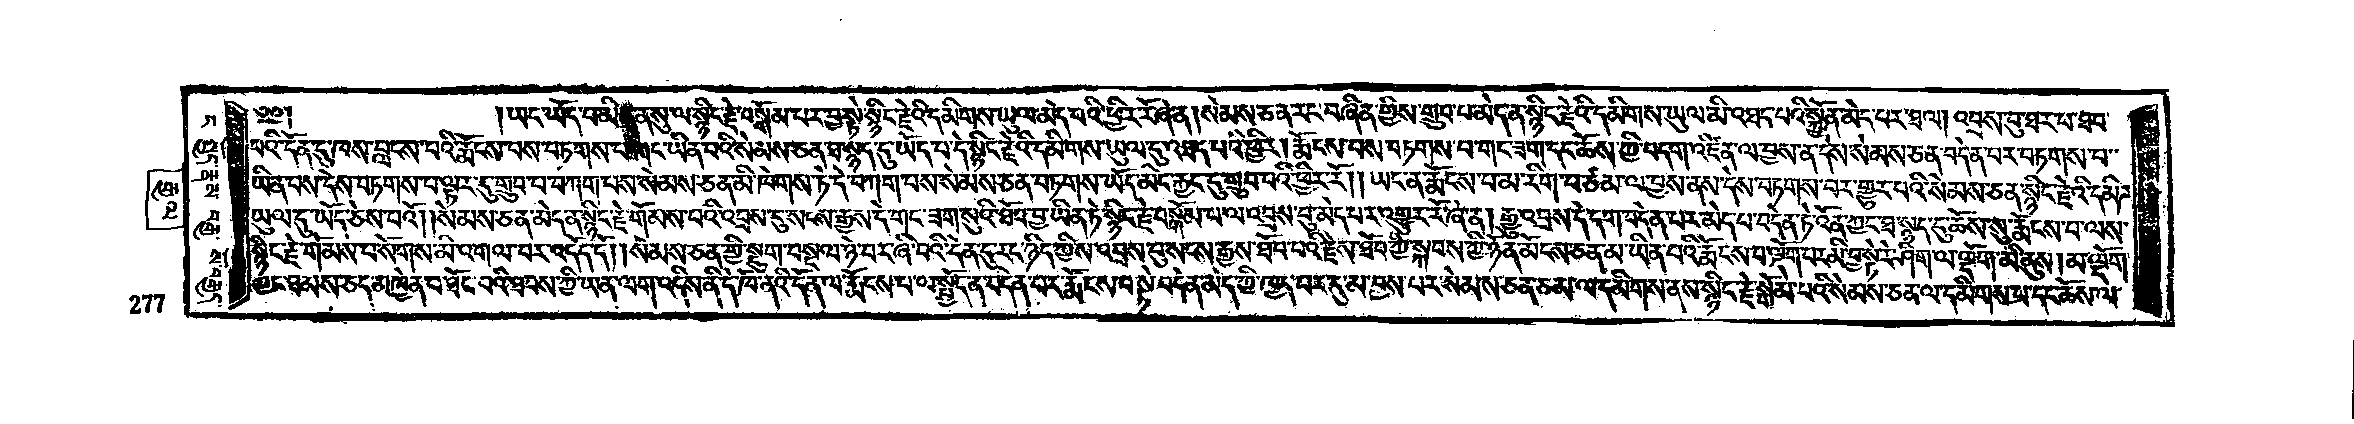༄༅། །ཡང་ཡོད་པ་མིན་ན་སུ་ལ་སྙིང་རྗེ་བསྒོམ་པར་བྱ་སྟེ་སྙིང་རྗེའི་དམིགས་ཡུལ་མེད་པའི་ཕྱིར་རོ་ཞེ་ན། སེམས་ཅན་རང་བཞིན་གྱིས་གྲུབ་པ་མེད་ན་སྙིང་རྗེའི་དམིགས་ཡུལ་མི་འཐད་པའི་སྐྱོན་མེད་པར་ཐལ། འབྲས་བུ་ཐར་པ་ཐོབ་
པའི་དོན་དུ་ཁས་བླངས་པའི་རྨོངས་པས་བཏགས་པ་གང་ཡིན་པའི་སེམས་ཅན་ཐ་སྙད་དུ་ཡོད་པ་དེ་སྙིང་རྗེའི་དམིགས་ཡུལ་དུ་འཐད་པའི་ཕྱིར། རྨོངས་པས་བཏགས་པ་གང་ཟག་དང་ཆོས་ཀྱི་བདག་འཛིན་ལ་བྱས་ན་དེས་སེམས་ཅན་བདེན་པར་བཏགས་པ་
ཡིན་པས་དེས་བཏགས་པ་ལྟར་དུ་གྲུབ་པ་བཀག་པས་སེམས་ཅན་མི་ཁེགས་ཏེ་དེ་བཀག་པས་སེམས་ཅན་བཏགས་ཡོད་མིང་རྐྱང་དུ་གྲུབ་པའི་ཕྱིར་རོ། །ཡང་ན་རྨོངས་པ་མ་རིག་པ་ཙམ་ལ་བྱས་ནས་དེས་བཏགས་པར་གྱུར་པའི་སེམས་ཅན་སྙིང་རྗེའི་དམིགས་
ཡུལ་དུ་ཡོད་ཅེས་པའོ། །སེམས་ཅན་མེད་ན་སྙིང་རྗེ་གོམས་པའི་འབྲས་བུ་སངས་རྒྱས་དེ་གང་ཟག་སུའི་ཐོབ་བྱ་ཡིན་ཏེ་སྙིང་རྗེ་བསྒོམ་པ་ལ་འབྲས་བུ་མེད་པར་འགྱུར་རོ་ཞེ་ན། རྒྱུ་འབྲས་དེ་དག་བདེན་པར་མེད་པ་བདེན་ཏེ་འོན་ཀྱང་ཐ་སྙད་དུ་ཆོས་སུ་རྨོངས་པ་ལས་
སྙིང་རྗེ་གོམས་པ་སོགས་མི་འགལ་བར་འདོད་དོ། །སེམས་ཅན་གྱི་སྡུག་བསྔལ་ཉེ་བར་ཞི་བའི་དོན་དུ་རང་ཉིད་ཀྱིས་འབྲས་བུ་སངས་རྒྱས་ཐོབ་པའི་རྗེས་ཐོབ་ཀྱི་སྐབས་ཀྱི་ཉོན་མོངས་ཅན་མ་ཡིན་པའི་རྨོངས་པ་ལྡོག་པར་མི་བྱ་སྟེ་རེ་ཤིག་ལ་ལྡོག་མི་ནུས། མ་ལྡོག་
ཀྱང་ཐམས་ཅད་མཁྱེན་པ་ཐོབ་པའི་ཐབས་ཀྱི་ཡན་ལག་འདིས་ནི་དེ་ཁོ་ནའི་དོན་ལ་རྨོངས་པ་ལ་སྤྱོད་ན་བདེན་པར་རྨོངས་པ་སྟེ་བདེན་མེད་ཀྱི་ཁྱད་པར་དུ་མ་བྱས་པར་སེམས་ཅན་ཙམ་ལ་དམིགས་ནས་སྙིང་རྗེ་སྒོམ་པའི་སེམས་ཅན་ལ་དམིགས་པ་དང་ཆོས་ལ་